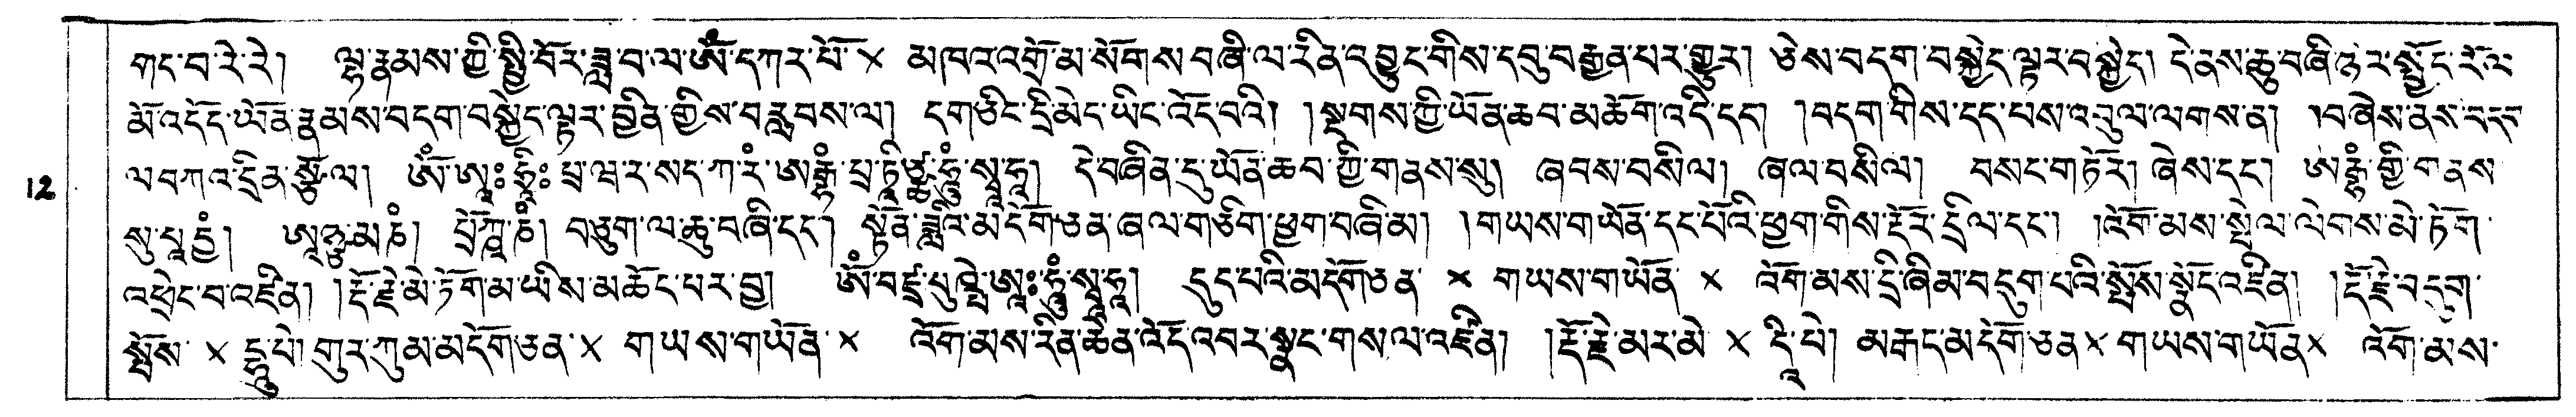གང་བ་རེ་རེ། ལྷ་རྣམས་ཀྱི་སྤྱི་བོར་ཟླ་བ་ལ་ཨོཾ་དཀར་པོ་྾་མཁའ་འགྲོ་མ་སོགས་བཞི་ལ་རིན་འབྱུང་གིས་དབུ་བརྒྱན་པར་གྱུར། ཅེས་བདག་བསྐྱེད་ལྟར་བསྐྱེད། དེ་ནས་ཆུ་བཞི་ཉེར་སྤྱོད་རོལ་
མོ་འདོད་ཡོན་རྣམས་བདག་བསྐྱེད་ལྟར་བྱིན་གྱིས་བརླབས་ལ། དག་ཅིང་དྲི་མེད་ཡིད་འོང་བའི། །སྔགས་ཀྱི་ཡོན་ཆབ་མཆོག་འདི་དང་། །བདག་གིས་དད་པས་འབུལ་ལགས་ན། །བཞེས་ནས་བདག་
ལ་བཀའ་དྲིན་སྩོལ། ཨོཾ་ཨཱཿ ཧྲཱིཿ པྲ་ཝ་ར་སད་ཀ་རཾ་ཨརྒྷཾ་པྲ་ཏཱི་ཙྪ་ཧཱུཾ་སྭཱ་ཧཱ། དེ་བཞིན་དུ་ཡོན་ཆབ་ཀྱི་གནས་སུ། ཞབས་བསིལ། ཞལ་བསིལ། བསང་གཏོར། ཞེས་དང་། ཨརྒྷཾ་གྱི་གནས་
སུ་པཱ་དྱཾ། ཨཱ་ཉྩ་མཎཾ། པྲོ་ཀྵ་ཎཾ། བཅུག་ལ་ཆུ་བཞི་དང་། སྟོན་ཟླའི་མདོག་ཅན་ཞལ་གཅིག་ཕྱག་བཞི་མ། །གཡས་གཡོན་དང་པོའི་ཕྱག་གིས་རྡོར་དྲིལ་དང་། །འོག་མས་སྤེལ་ལེགས་མེ་ཏོག་
འཕྲེང་བ་འཛིན། །རྡོ་རྗེ་མེ་ཏོག་མ་ཡིས་མཆོད་པར་བྱ། ཨོཾ་བཛྲ་པུཥྤེ་ཨཱཿ ཧཱུཾ་སྭཱ་ཧཱ། དུད་པའི་མདོག་ཅན་྾་གཡས་གཡོན་྾་འོག་མས་དྲི་ཞིམ་བདུག་པའི་སྤོས་སྣོད་འཛིན། །རྡོ་རྗེ་བདུག་
སྤོསེ་྾་དྷཱུ་པེ། གུར་ཀུམ་མདོག་ཅན་྾་གཡས་གཡོན་྾་འོག་མས་རིན་ཆེན་འོད་འབར་སྣང་གསལ་འཛིན། །རྡོ་རྗེ་མར་མེ་྾་དཱི་པེ། མརྒད་མདོག་ཅན་྾་གཡས་གཡོན་྾་འོག་མས་